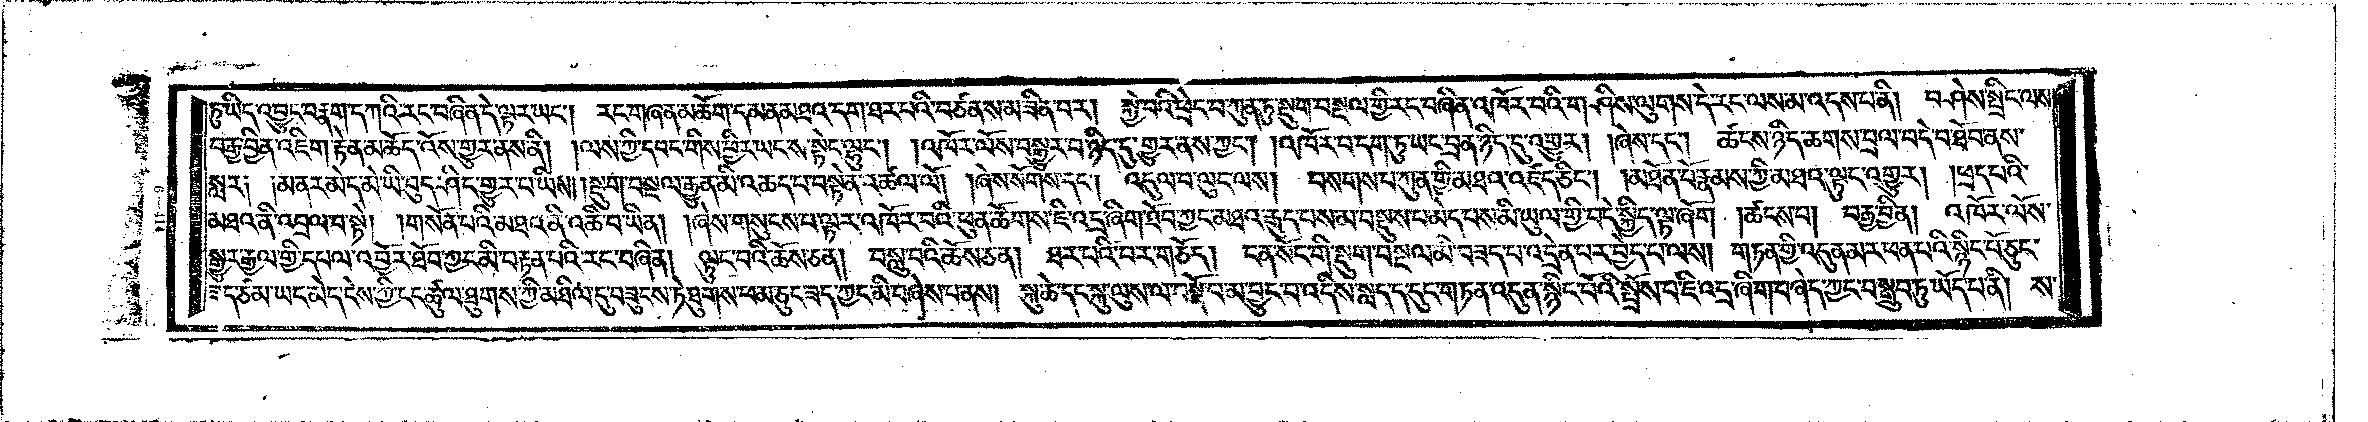ཏུ་ཡིད་འབྱུང་བརྣག་དཀའི་རང་བཞིན་དེ་ལྟར་ཡང་། རང་གཞན་མཆོག་དམན་མཐའ་དག་ཐར་པའི་བཙན་ས་མ་ཟིན་བར། སྐྱེ་བའི་ཕྲེང་བ་ཀུན་ཏུ་སྡུག་བསྔལ་གྱི་རང་བཞིན་འཁོར་བའི་གཤིས་ལུགས་དེ་རང་ལས་མ་འདས་པ་ནི། བཤེས་སྤྲིང་ལས་
བརྒྱ་བྱིན་འཇིག་རྟེན་མཆོད་འོས་གྱུར་ནས་ནི། །ལས་ཀྱི་དབང་གིས་ཕྱིར་ཡངས་སྟེང་ལྷུང་། །འཁོར་ལོས་བསྒྱུར་བ་ཉིད་དུ་གྱུར་ནས་ཀྱང་། །འཁོར་བདག་ཏུ་ཡང་བྲན་ཉིད་དུ་འགྱུར། །ཞེས་དང་། ཚངས་ཉིད་ཆགས་བྲལ་བདེ་བ་ཐོབ་ནས་
སླར༑ ༑མནར་མེད་མེ་ཡི་བུད་ཤིང་གྱུར་པ་ཡིས། །སྡུག་བསྔལ་རྒྱུན་མི་འཆད་པ་བསྟེན་འཚལ་ལོ། །ཞེས་སོགས་དང་། འདུལ་བ་ལུང་ལས། བསགས་པ་ཀུན་གྱི་མཐའ་འཛད་ཅིང་། །མཐོན་པོ་རྣམས་ཀྱི་མཐའ་ལྟུང་འགྱུར། །ཕྲད་པའི་
མཐའ་ནི་འབྲལ་བ་སྟེ། །གསོན་པའི་མཐའ་ནི་འཆི་བ་ཡིན། །ཞེས་གསུངས་པ་ལྟར་འཁོར་བའི་ཕུན་ཚོགས་ཇི་འདྲ་ཞིག་ཐོབ་ཀྱང་མཐའ་རྒྱུད་པས་མ་བསྡུས་པ་མེད་པས་མི་ཡུལ་གྱི་བདེ་སྐྱིད་ལྟ་ཞོག །ཚངས་པ། བརྒྱ་བྱིན། འཁོར་ལོས་
སྒྱུར་རྒྱལ་གྱི་དཔལ་འབྱོར་ཐོབ་ཀྱང་མི་བརྟན་པའི་རང་བཞིན། ལྟུང་བའི་ཆོས་ཅན། བསླུ་བའི་ཆོས་ཅན། ཐར་པའི་བར་གཅོད། ངན་སོང་གི་སྡུག་བསྔལ་མི་བཟད་པ་འདྲེན་པར་བྱེད་པ་ལས། གཏན་གྱི་འདུན་མར་ཕན་པའི་སྙིང་པོ་ཅུང་
ཟད་ཙམ་ཡང་མེད་ངེས་ཀྱི་ངང་ཚུལ་ཐུགས་ཀྱི་མཐིལ་དུ་བཟུངས་ཏེ་ཐུགས་ཕམ་ཅུང་ཟད་ཀྱང་མི་བཞེས་པ་ནས། སྐུ་ཆེ་དང་སྐུ་ལུས་ལ་བསྔོ་བ་མ་བྱུང་བ་འདིས་སླད་ད་དུང་གཏན་འདུན་སྙིང་པོའི་སྤྲོས་བ་ཇི་འདྲ་ཞིག་བཞེད་ཀྱང་བསྒྲུབ་ཏུ་ཡོད་པ་ནི། ས་